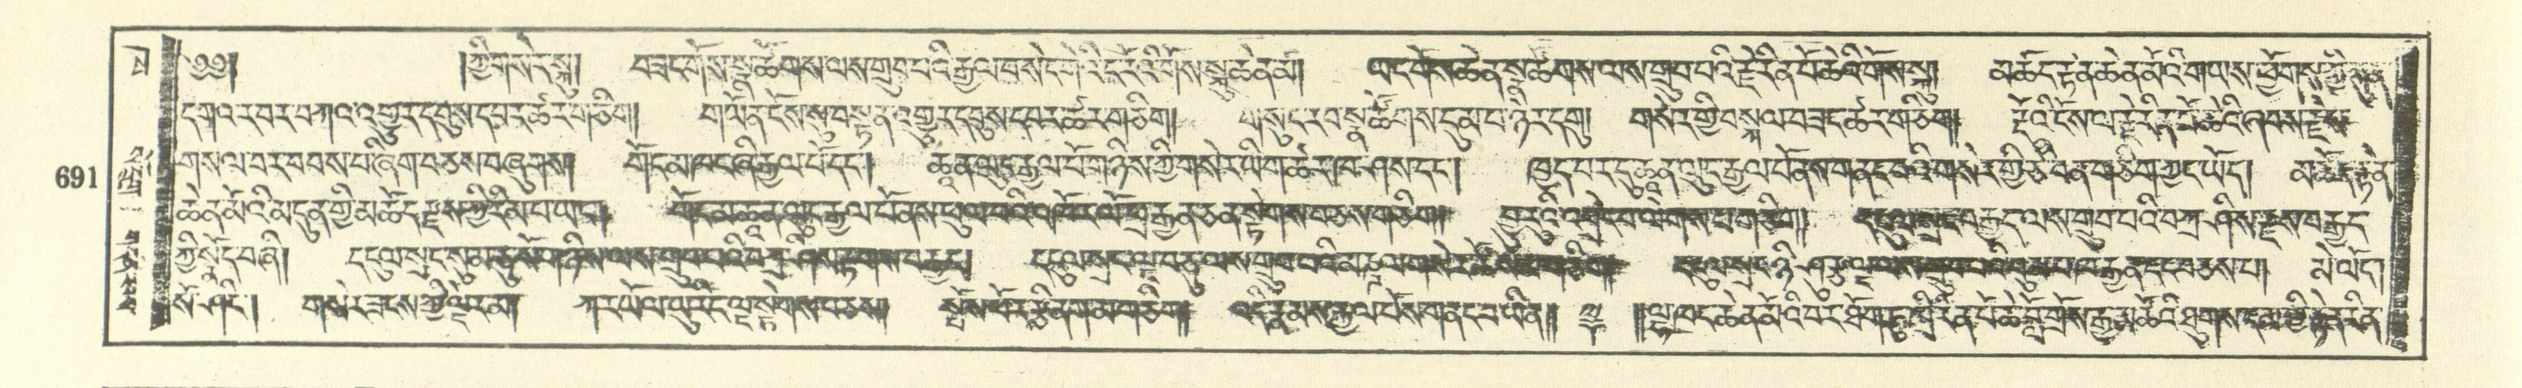༄༅། །ཀྱི་གསེར་སྐུ། བཟང་གོས་སྣ་ཚོགས་ལས་གྲུབ་པའི་རྒྱལ་བ་སེང་གེའི་ང་རོའི་གོས་སྐུ་ཆེན་མོ། ཡང་གོས་ཆེན་སྣ་ཚོགས་ལས་གྲུབ་པའི་རྗེ་རིན་པོ་ཆེའི་གོས་སྐུ། མཆོད་རྟེན་ཆེན་མོའི་གཡས་ཕྱོགས་ཀྱི་ཀུན་
དགའ་ར་བར་བཀའ་འགྱུར་དབུས་དཔར་ཚར་གཅིག། གཡོན་ངོས་སུ་བསྟན་འགྱུར་དབུས་དཔར་ཚར་གཅིག། གསུང་རབ་སྣ་ཚོགས་དུམ་པ་ཉེར་དགུ། གསེར་གྱི་བསྐལ་བཟང་ཚར་གཅིག། རྡོའི་ངོས་ལ་རྗེ་རིན་པོ་ཆེའི་ཞབས་རྗེས་
གསལ་བར་བབས་པ་ཞིག་བཅས་བཞུགས། གོང་མ་ཁང་ཞི་རྒྱལ་པོ་དང་། ཆཱན་ལུང་རྒྱལ་པོ་གཉིས་ཀྱི་གསེར་ཡིག་ཚར་ཁ་ཤས་དང་། ཁྱད་པར་དུ་ཆཱན་ལུང་རྒྱལ་པོ་ནས་གནང་བའི་གསེར་གྱི་ཙ་བིན་གཅིག་ཀྱང་ཡོད། མཆོད་རྟེན་
ཆེན་མོའི་མདུན་གྱི་མཆོད་རྫས་ཀྱི་རིམ་པ་ཡང་། གོང་མ་ཆཱན་ལུང་རྒྱལ་པོ་ནས་ཕུལ་བའི་འཁོར་ལོ་ཕྲ་རྒྱན་ཅན་སྟེགས་བཅས་གཅིག། བྱུ་རུའི་འཕྲེང་བ་ལེགས་པ་གཅིག། དངུལ་སྲང་བརྒྱད་ལས་གྲུབ་པའི་བཀྲ་ཤིས་རྫས་བརྒྱད་
ཀྱི་སྣོད་བཞི། དངུལ་སྲང་སུམ་ཅུ་སོ་གཉིས་ལས་གྲུབ་པའི་བཀྲ་ཤིས་རྟགས་བརྒྱད། དངུལ་སྲང་ལྔ་བཅུ་ལས་གྲུབ་པའི་མཎྜལ་གསེར་ཚོས་མ་གཅིག། དངུལ་སྲང་ཉི་ཤུ་རྩ་ལྔ་ལས་གྲུབ་པའི་བུམ་པ་ཁ་རྒྱན་དང་བཅས་པ། མེ་ལོང་།
སོ་ཤིང་། གསེར་ཟངས་ཀྱི་ལྡེར་མ། ཀར་ཡོལ་ཡུ་རིང་ལྔ་སྟེགས་བཅས། སྤོས་ཕོར་རྩི་ནག་མ་གཅིག། འདི་རྣམས་རྒྱལ་པོས་གནང་བ་ཡིན།། ༈ །།ལྷ་ཁང་ཆེན་མོའི་བར་ཐོག་ཏུ་ཁྲི་རིན་པོ་ཆེ་བློ་གྲོས་རྒྱ་མཚོའི་ཐུགས་དམ་གྱི་རྟེན་རིན་